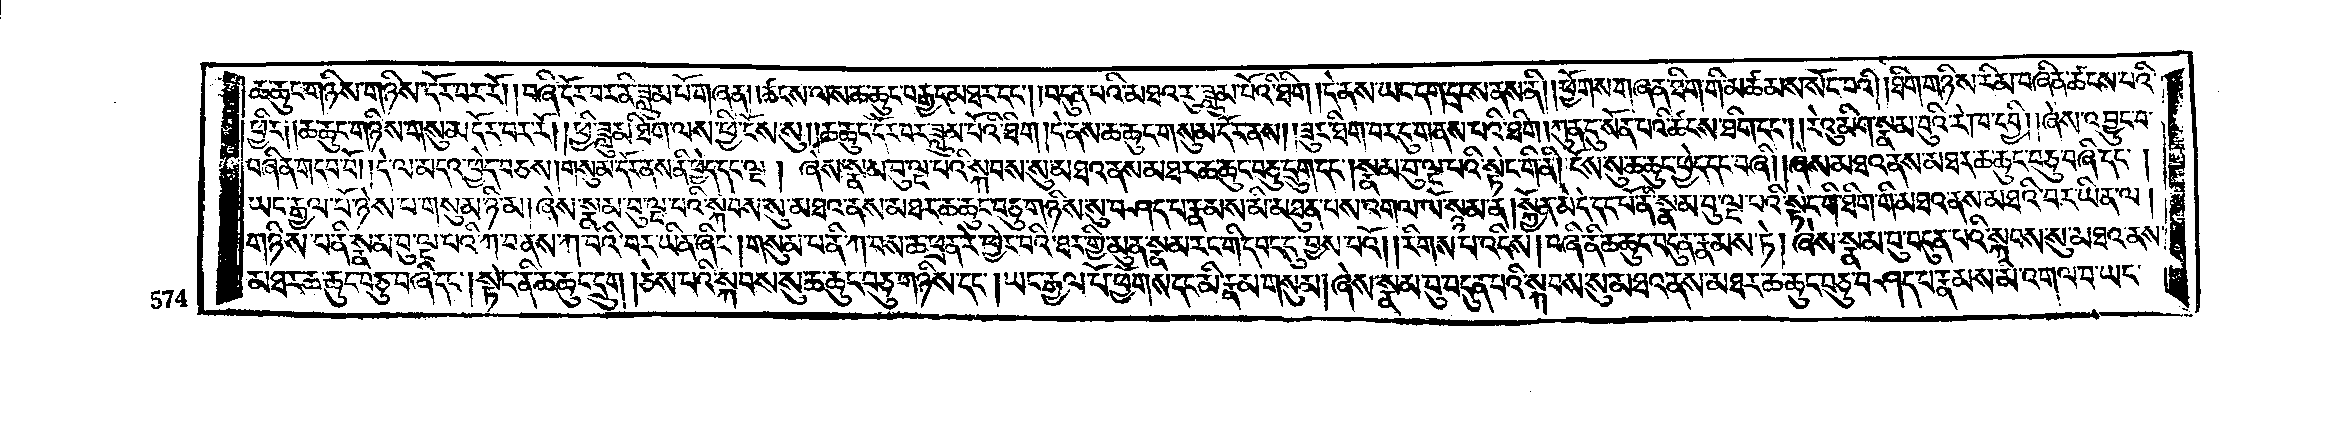ཆ་ཆུང་གཉིས་གཉིས་དོར་བར་རོ། །བཞི་དོར་བར་ནི་ཟླུམ་པོ་གཞན། །ཆངས་ལས་ཆ་ཆུང་བརྒྱད་མཐར་དང་། །བདུན་པའི་མཐའ་རུ་ཟླུམ་པོའི་ཐིག །དེ་ནས་ཡང་དག་དྲངས་ནས་ནི། །ཕྱོགས་གཞན་ཐིག་གི་མཚམས་སོང་བའི། །ཐིག་གཉིས་རིམ་བཞིན་ཚངས་པའི་
ཕྱིར། །ཆ་ཆུང་གཉིས་གསུམ་དོར་བར་རོ། །ཕྱི་ཟླུམ་ཐིག་ལས་ཕྱི་ངོས་སུ། །ཆ་ཆུང་དོར་བར་ཟླུམ་པོའི་ཐིག །དེ་ནས་ཆ་ཆུང་གསུམ་དོར་ནས། །ཟུར་ཐིག་བར་དུ་གནས་པའི་ཐིག །ཀུན་དུ་སོན་པའི་ཚངས་ཐིག་དང་། །རེའུ་མིག་སྣམ་བུའི་རེ་ཁ་དབྱི། །ཞེས་འབྱུང་བ་
བཞིན་གདབ་བོ། །དེ་ལ་མདའ་ཕྱེད་བཅས། གསུམ་དོར་ནས་ནི་ཕྱེད་དང་ལྔ། ཞེས་སྣམ་བུ་ལྔ་པའི་སྐབས་སུ་མཐའ་ནས་མཐར་ཆ་ཆུང་བཅུ་དྲུག་དང་། སྣམ་བུ་ལྔ་པའི་སྟེང་གི་ནི། །ངོས་སུ་ཆ་ཆུང་ཕྱེད་དང་བཞི། །ཞེས་མཐའ་ནས་མཐར་ཆ་ཆུང་བཅུ་བཞི་དང་།
ཡང་རྒྱལ་པོ་ཉེས་པ་གསུམ་ཉི་མ། ཞེས་སྣམ་བུ་ལྔ་པའི་སྐབས་སུ་མཐའ་ནས་མཐར་ཆ་ཆུང་བཅུ་གཉིས་སུ་བཤད་པ་རྣམས་མི་མཐུན་པས་འགལ་ལོ་སྙམ་ན། སྐྱོན་མེད་དེ་དང་པོ་ནི་སྣམ་བུ་ལྔ་པའི་སྟེང་གི་ཐིག་གི་མཐའ་ནས་མཐའི་བར་ཡིན་ལ།
གཉིས་པ་ནི་སྣམ་བུ་ལྔ་པའི་ཀ་བ་ནས་ཀ་བའི་བར་ཡིན་ཞིང་། གསུམ་པ་ནི་ཀ་བས་ཆ་ཕྲན་རེ་ཁྱེར་བའི་བར་གྱི་མུན་སྣམ་རང་གི་དབང་དུ་བྱས་པའོ། །རིགས་པ་འདིས། བཞི་ནི་ཆ་ཆུང་བདུན་རྣམས་ཏེ། ཞེས་སྣམ་བུ་བདུན་པའི་སྐབས་སུ་མཐའ་ནས་
མཐར་ཆ་ཆུང་བཅུ་བཞི་དང་། སྟེང་ནི་ཆ་ཆུང་དྲུག །ཅེས་པའི་སྐབས་སུ་ཆ་ཆུང་བཅུ་གཉིས་དང་། ཡང་རྒྱལ་པོ་ཕྱོགས་དང་མི་རྣམ་གསུམ། ཞེས་སྣམ་བུ་བདུན་པའི་སྐབས་སུ་མཐའ་ནས་མཐར་ཆ་ཆུང་བཅུ་བཤད་པ་རྣམས་མི་འགལ་བ་ཡང་